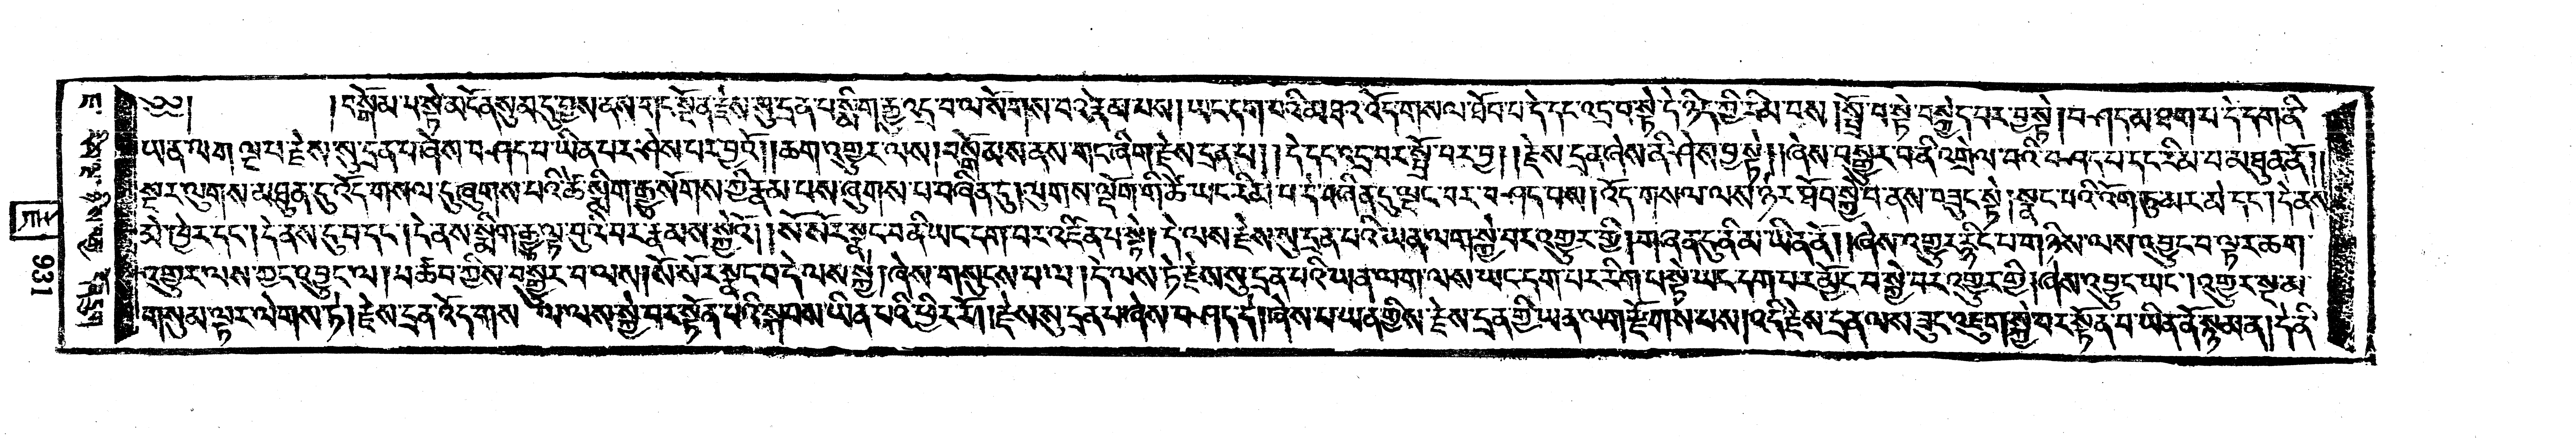༄༅། །བསྒོམ་པ་སྟེ་མངོན་སུམ་དུ་བྱས་ནས་གང་སྔོན་རྗེས་སུ་དྲན་པ་སྨིག་རྒྱུ་འདྲ་བ་ལ་སོགས་པའི་རྣམ་པས། ཡང་དག་པའི་མཐའ་འོད་གསལ་ཐོབ་པ་དེ་དང་འདྲ་བ་སྟེ་དེ་ཉིད་ཀྱི་རིམ་པས། སྤོ་བ་སྟེ་བསྐྱེད་པར་བྱ་སྟེ། བཤད་མ་ཐག་པ་དེ་དག་ནི་
ཡན་ལག་ལྔ་པ་རྗེས་སུ་དྲན་པ་ཞེས་བཤད་པ་ཡིན་པར་ཤེས་པར་བྱའོ། །ཆག་འགྱུར་ལས། བསྒོམས་ནས་གང་ཞིག་རྗེས་དྲན་པ། །དེ་དང་འདྲ་བར་སྤྲོ་བར་བྱ། །རྗེས་དྲན་ཞེས་ནི་ཤེས་བྱ་སྟེ། །ཞེས་བསྒྱུར་བ་ནི་འགྲེལ་པའི་བཤད་པ་དང་རིམ་པ་མཐུན་ནོ། །
སྔར་ལུགས་མཐུན་དུ་འོད་གསལ་དུ་ཞུགས་པའི་ཚེ་སྨིག་རྒྱུ་སོགས་ཀྱི་རྣམ་པས་ཞུགས་པ་བཞིན་དུ། ལུགས་ལྡོག་གི་ཚེ་ཡང་རིམ་པ་དེ་བཞིན་དུ་ལྡང་བར་བཤད་པས། འོད་གསལ་ལས་ཉེར་ཐོབ་སྐྱེ་བ་ནས་བཟུང་སྟེ། སྣང་བའི་འོག་ཏུ་མར་མེ་དང་། དེ་ནས་
མེ་ཁྱེར་དང་། དེ་ནས་དུ་བ་དང་། དེ་ནས་སྨིག་རྒྱུ་ལྟ་བུའི་བར་རྣམས་སྐྱེའོ། །སོ་སོར་སྣང་བ་ནི་ཡང་དག་པར་འཛིན་པ་སྟེ། དེ་ལས་རྗེས་སུ་དྲན་པའི་ཡན་ལག་སྐྱེ་བར་འགྱུར་གྱི། གཞན་དུ་ནི་མ་ཡིན་ནོ། །ཞེས་འགྱུར་རྙིང་པ་གཉིས་ལས་འབྱུང་བ་ལྟར་ཆག་
འགྱུར་ལས་ཀྱང་འབྱུང་ལ། པ་ཚབ་ཀྱིས་བསྒྱུར་བ་ལས། སོ་སོར་སྣང་བ་དེ་ལས་སྐྱེ། ཞེས་གསུངས་པ་ལ། དེ་ལས་ཏེ་རྗེས་སུ་དྲན་པའི་ཡན་ལག་ལས་ཡང་དག་པར་རིག་པ་སྟེ་ཡང་དག་པར་མྱོང་བ་སྐྱེ་བར་འགྱུར་གྱི། ཞེས་འབྱུང་ཡང་། འགྱུར་སྔ་མ་
གསུམ་ལྟར་ལེགས་ཏེ། རྗེས་དྲན་འོད་གསལ་ལས་སྐྱེ་བར་སྟོན་པའི་སྐབས་ཡིན་པའི་ཕྱིར་རོ། །རྗེས་སུ་དྲན་པ་ཞེས་བཤད་དེ། ཞེས་པ་ཡན་གྱིས་རྗེས་དྲན་གྱི་ཡན་ལག་རྫོགས་པས། འདི་རྗེས་དྲན་ལས་ཟུང་འཇུག་སྐྱེ་བར་སྟོན་པ་ཡིན་ནོ་སྙམ་ན། དེ་ནི་